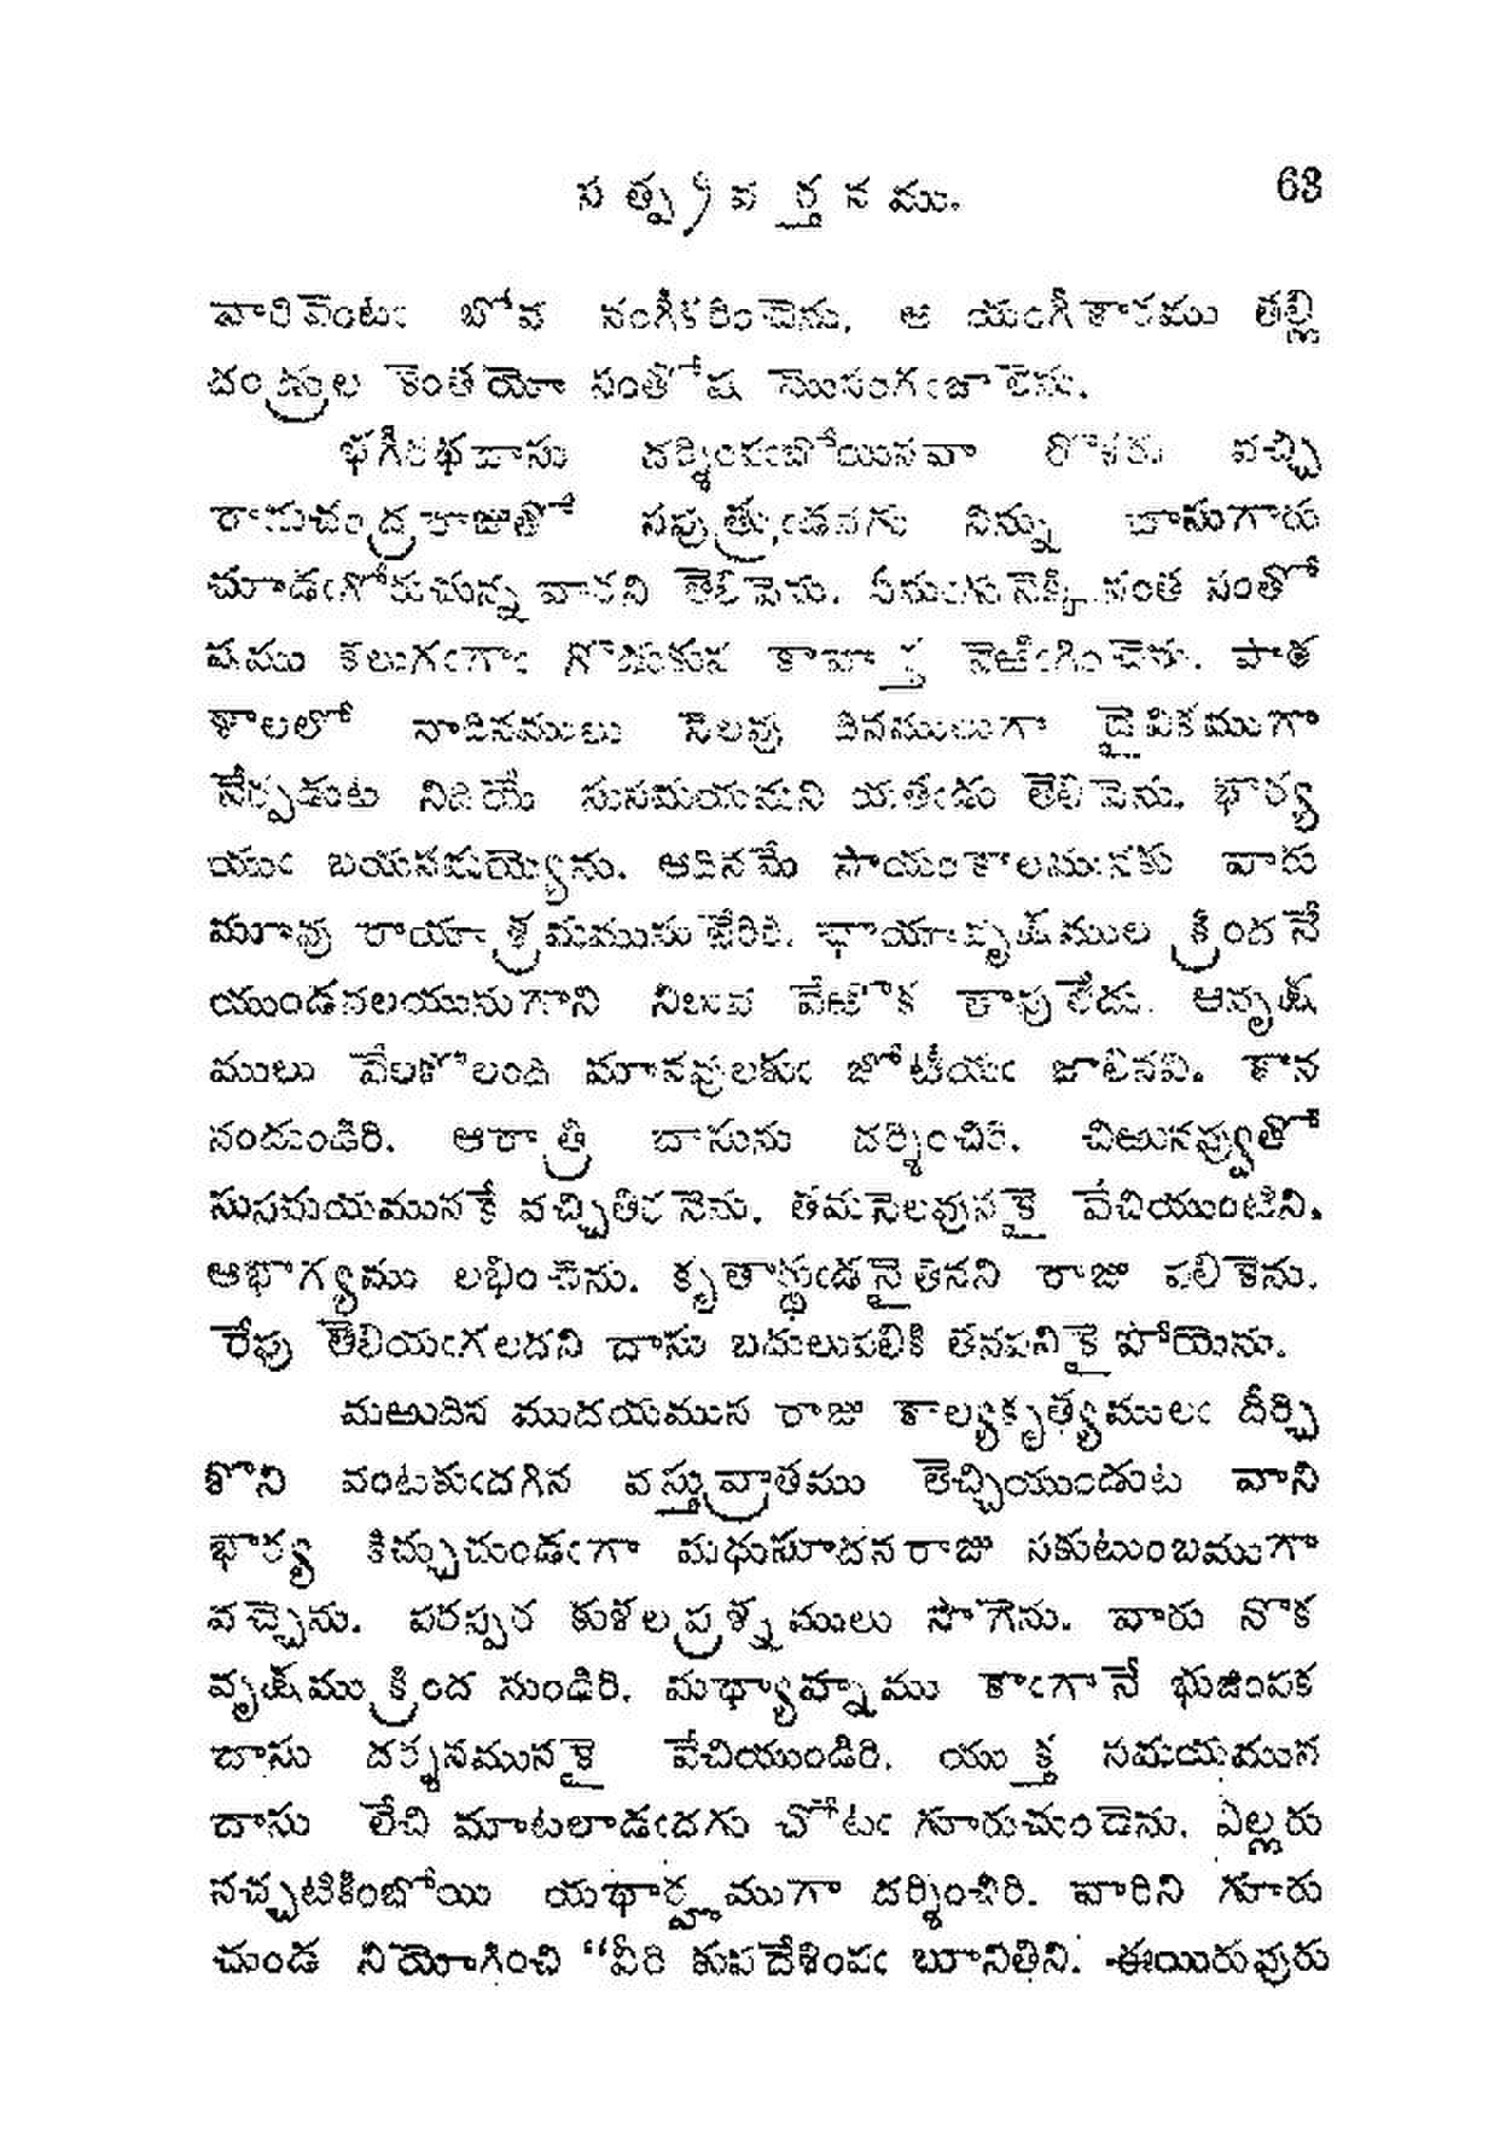వారి వెంట బోవ నంగీకరించెను, ఆ యంగీకారము తల్లి దండ్రుల చెంతయో సంతోష మొసంగ జాలెను.

భగీరద దాసు దర్శింప బోయిన వారొకరు, వచ్చి రామ చంద్రరాజుతో సుపుత్రుడునగు నిన్ను దాసుగారు చూడగోరుచున్న వారని తెలిపెకు. ఏనుగు నెక్కిసంత సంతోపము కలుగగా, గొడుకునార్త నెరింగించెను. పాఠశాలలో నాదిననములు సెలవు దినములుగా డైవికముగా నేర్పడుట నిదియృ సుసమయముని యతడు తెలిపెను. భార్యయుఁ బయనమయ్యెను. అదినమే సాయంకాలము నకు వాడు మూవు రాయాశ్రమముకుచేరి, ఛాయావృక్షముల కిందనే యుండవలయును గాని నిలువ వేరొక తావు లేదు. అవృక్ష ములు "వేలకొలది మానవులకు జోటీయ జాలినవి. కాన నందుండిరి. ఆరాత్రి, దాసును దర్శించి, చీఱు నవ్వుతో సుసచయమునకే వచ్చితి రనెను, తమ సెలవుననే వేచియుంటిని, ఆ భాగ్యము లభించెను. కృతార్థుడనైతినని రాజు పలికెను , రేపు తెలియఁగలదని దాసు బదులుకులికి తనపనికైన పోయెను.

మఱుదిన ముదయమున రాజు కాలకృత్యములఁ దీర్చి కొఇని వంటకుఁదగిన వస్తు వ్రాతము తెచ్చియుండుట వాని భార్య కిచ్చుచుండగా మధుసూదన రాజు సకుటుంబముగా వచ్చెను. పరస్పర కుశల ప్రశ్నములు సాగెను. "వారు నొక వృక్షము క్రింద నుండిరి. మధ్యాహ్నము కాగానే భుజింపక "దాసు దర్శనమునకై వేచియుండిరి. యుక్త సమయమున దాసు లేచి మాటలాడఁదగు చోటఁ గూరుచుండెను, ఎల్లరు నచ్చటికింబోయి యథార్హముగా దర్శించిరి. వారిని గూరు చుండ నియోగించి "వీరి కుపదేశింపఁ బూనితిని. ఈయిరువురు